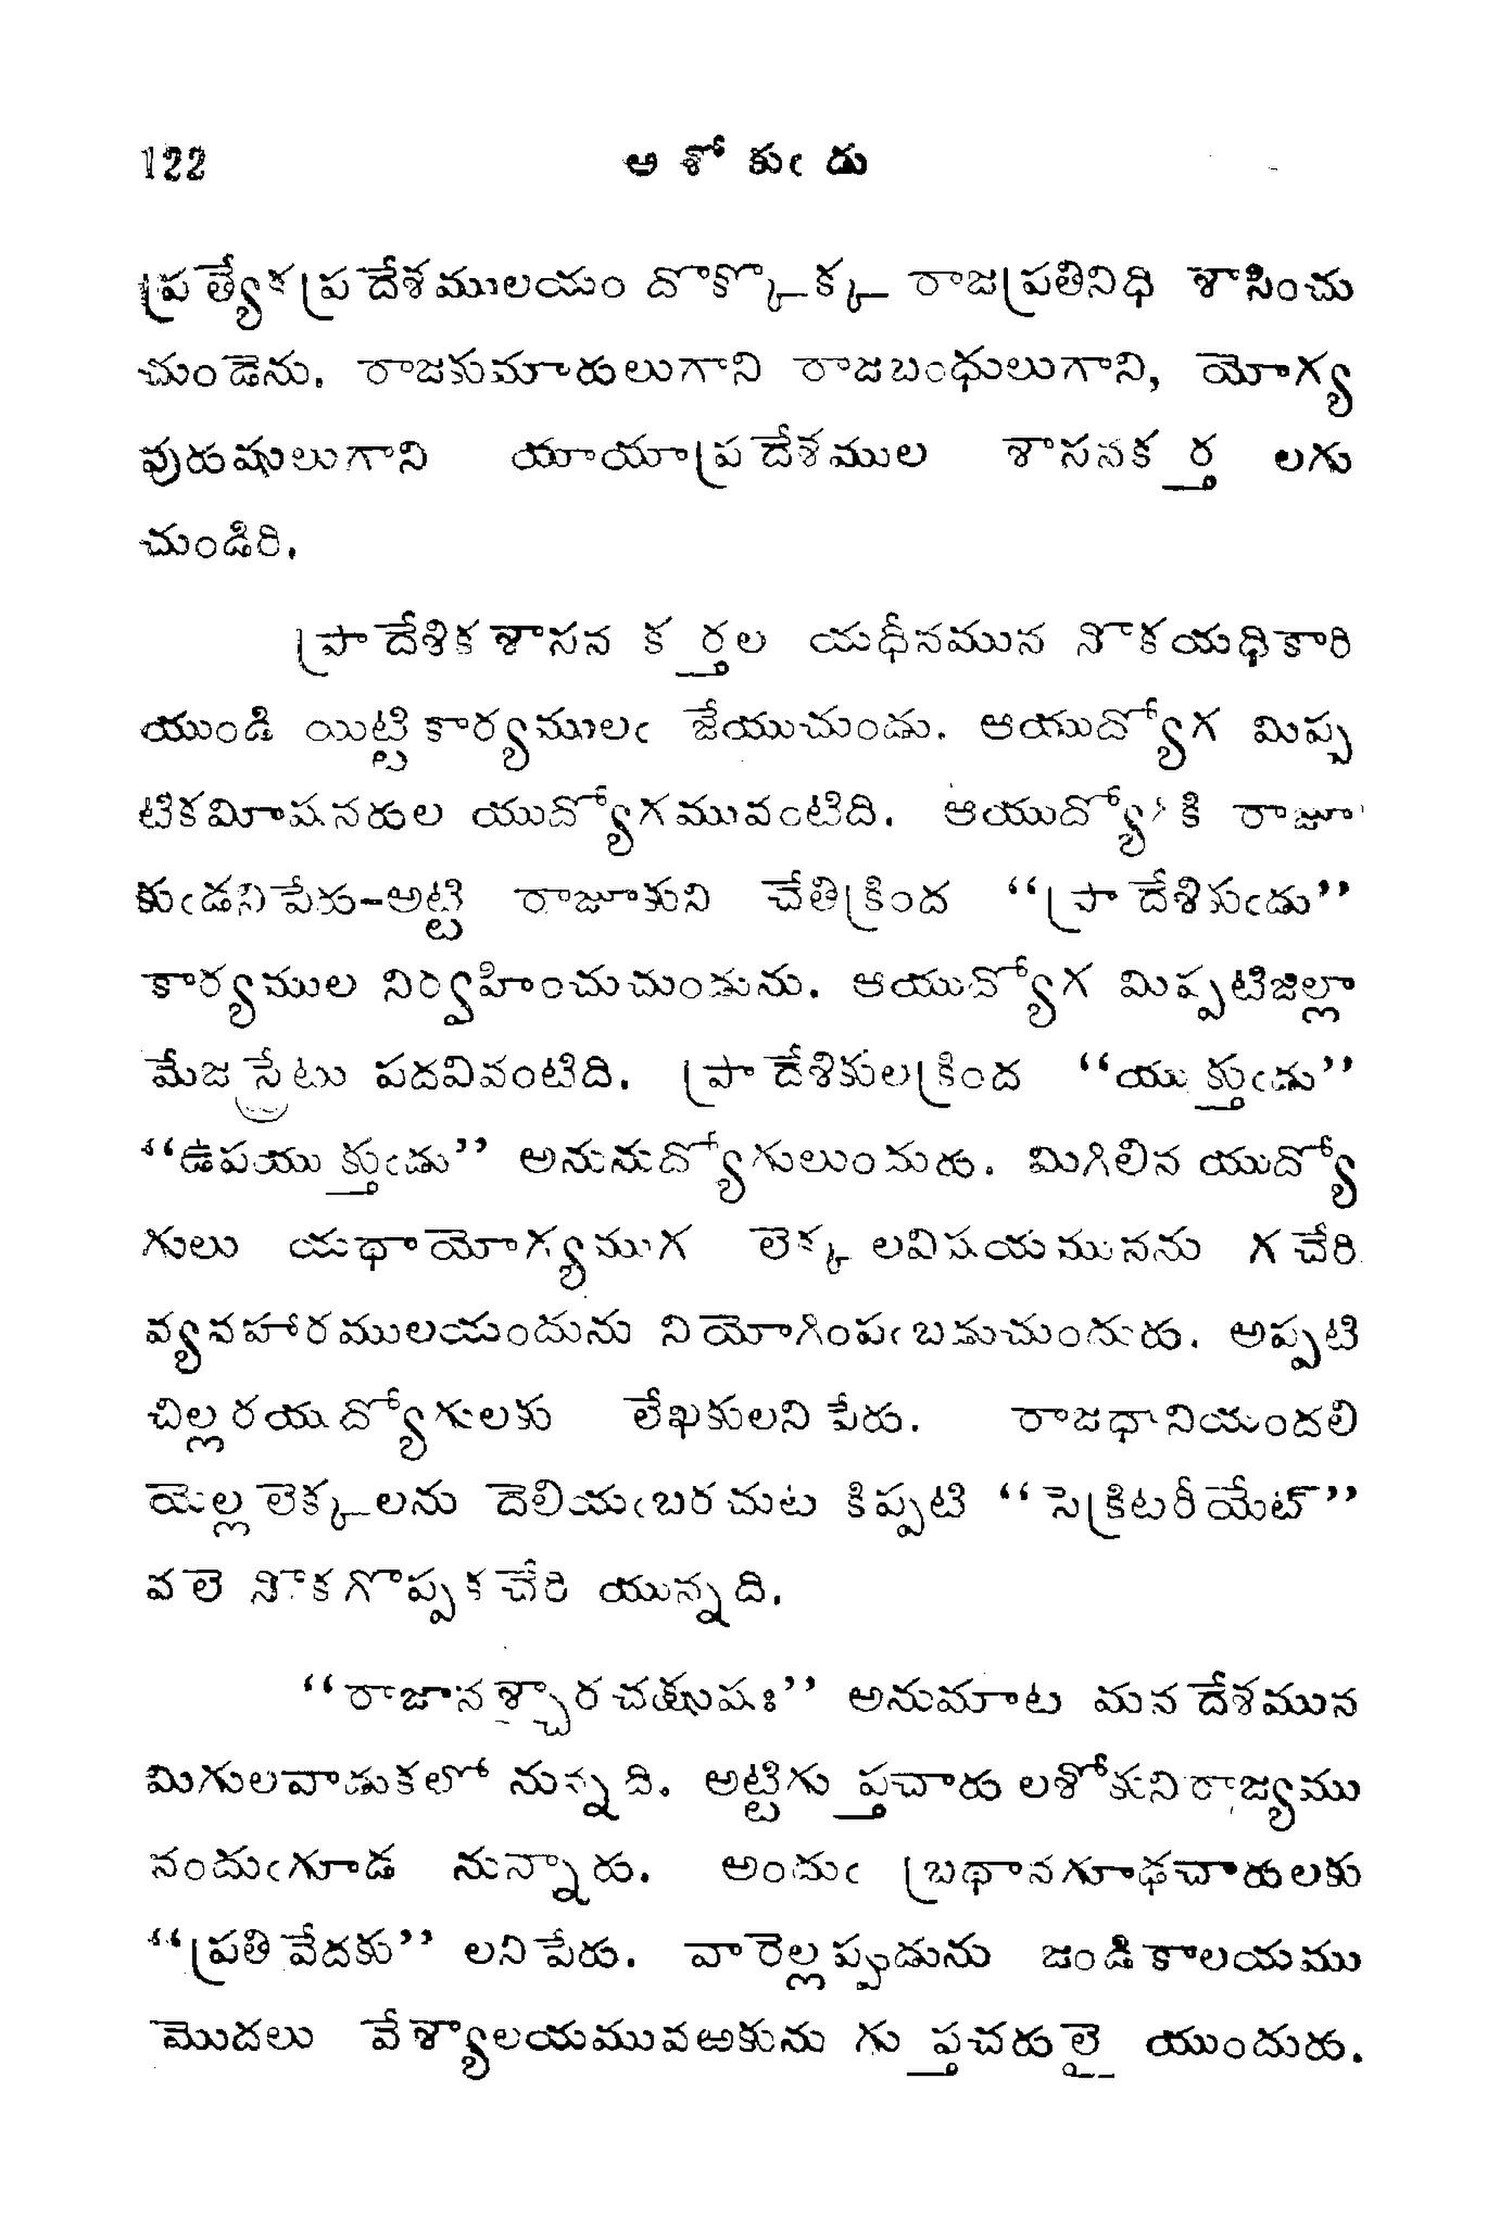ప్రత్యేక ప్రదేశములయం దొక్కొక్క రాజప్రతినిధి శాసించుచుండెను. రాజకుమారులుగాని రాజబంధులుగాని, యోగ్య పురుషులుగాని యాయా ప్రదేశముల శాసనకర్త లగు చుండిరి.

ప్రాదేశిక శాసన కర్తల యధీనమున నొకయధికారి యుండి యిట్టి కార్యములఁ జేయుచుండు. ఆయుద్యోగ మిప్పటి కమీషనరుల యుద్యోగమువంటిది. ఆయుద్యోగి కి రాజూకుఁడని పేరు-అట్టి రాజూకుని చేతి క్రింద “ప్రాదేశికుఁడు” కార్యముల నిర్వహించుచుండును. ఆయుద్యోగ మిప్పటి జిల్లా మేజస్టేటు పదవివంటిది. ప్రాదేశికుల క్రింద “యుక్తుఁడు ” “ఉపయుక్తుఁడు” అనునుద్యోగులుందురు. మిగిలిన యుద్యోగులు యథా యోగ్యముగ లెక్కలవిషయమునను గచేరి
వ్యవహారములయందును నియోగింపఁ బడుచుందురు. అప్పటి చిల్లరయుద్యోగులకు లేఖకులని పేరు. రాజధానియందలి యెల్ల లెక్కలను దెలియఁబరచుట కిప్పటి “ సెక్రటరీయేట్" వలె నొక గొప్పకచేరి యున్నది.

“రాజాన శ్చార చక్షుషః" అనుమాట మన దేశమున మిగులవాడుకలో నున్నది. అట్టిగు ప్తచారు లశోకుని రాజ్యము నందుఁగూడ నున్నారు. అందుఁ బ్రథాన గూఢచారులకు "ప్రతి వేదకు” లని పేరు. వారెల్లప్పుడును జండి కాలయము మొదలు వేశ్యాలయము వఱకును గుప్తచరులై యుందురు.